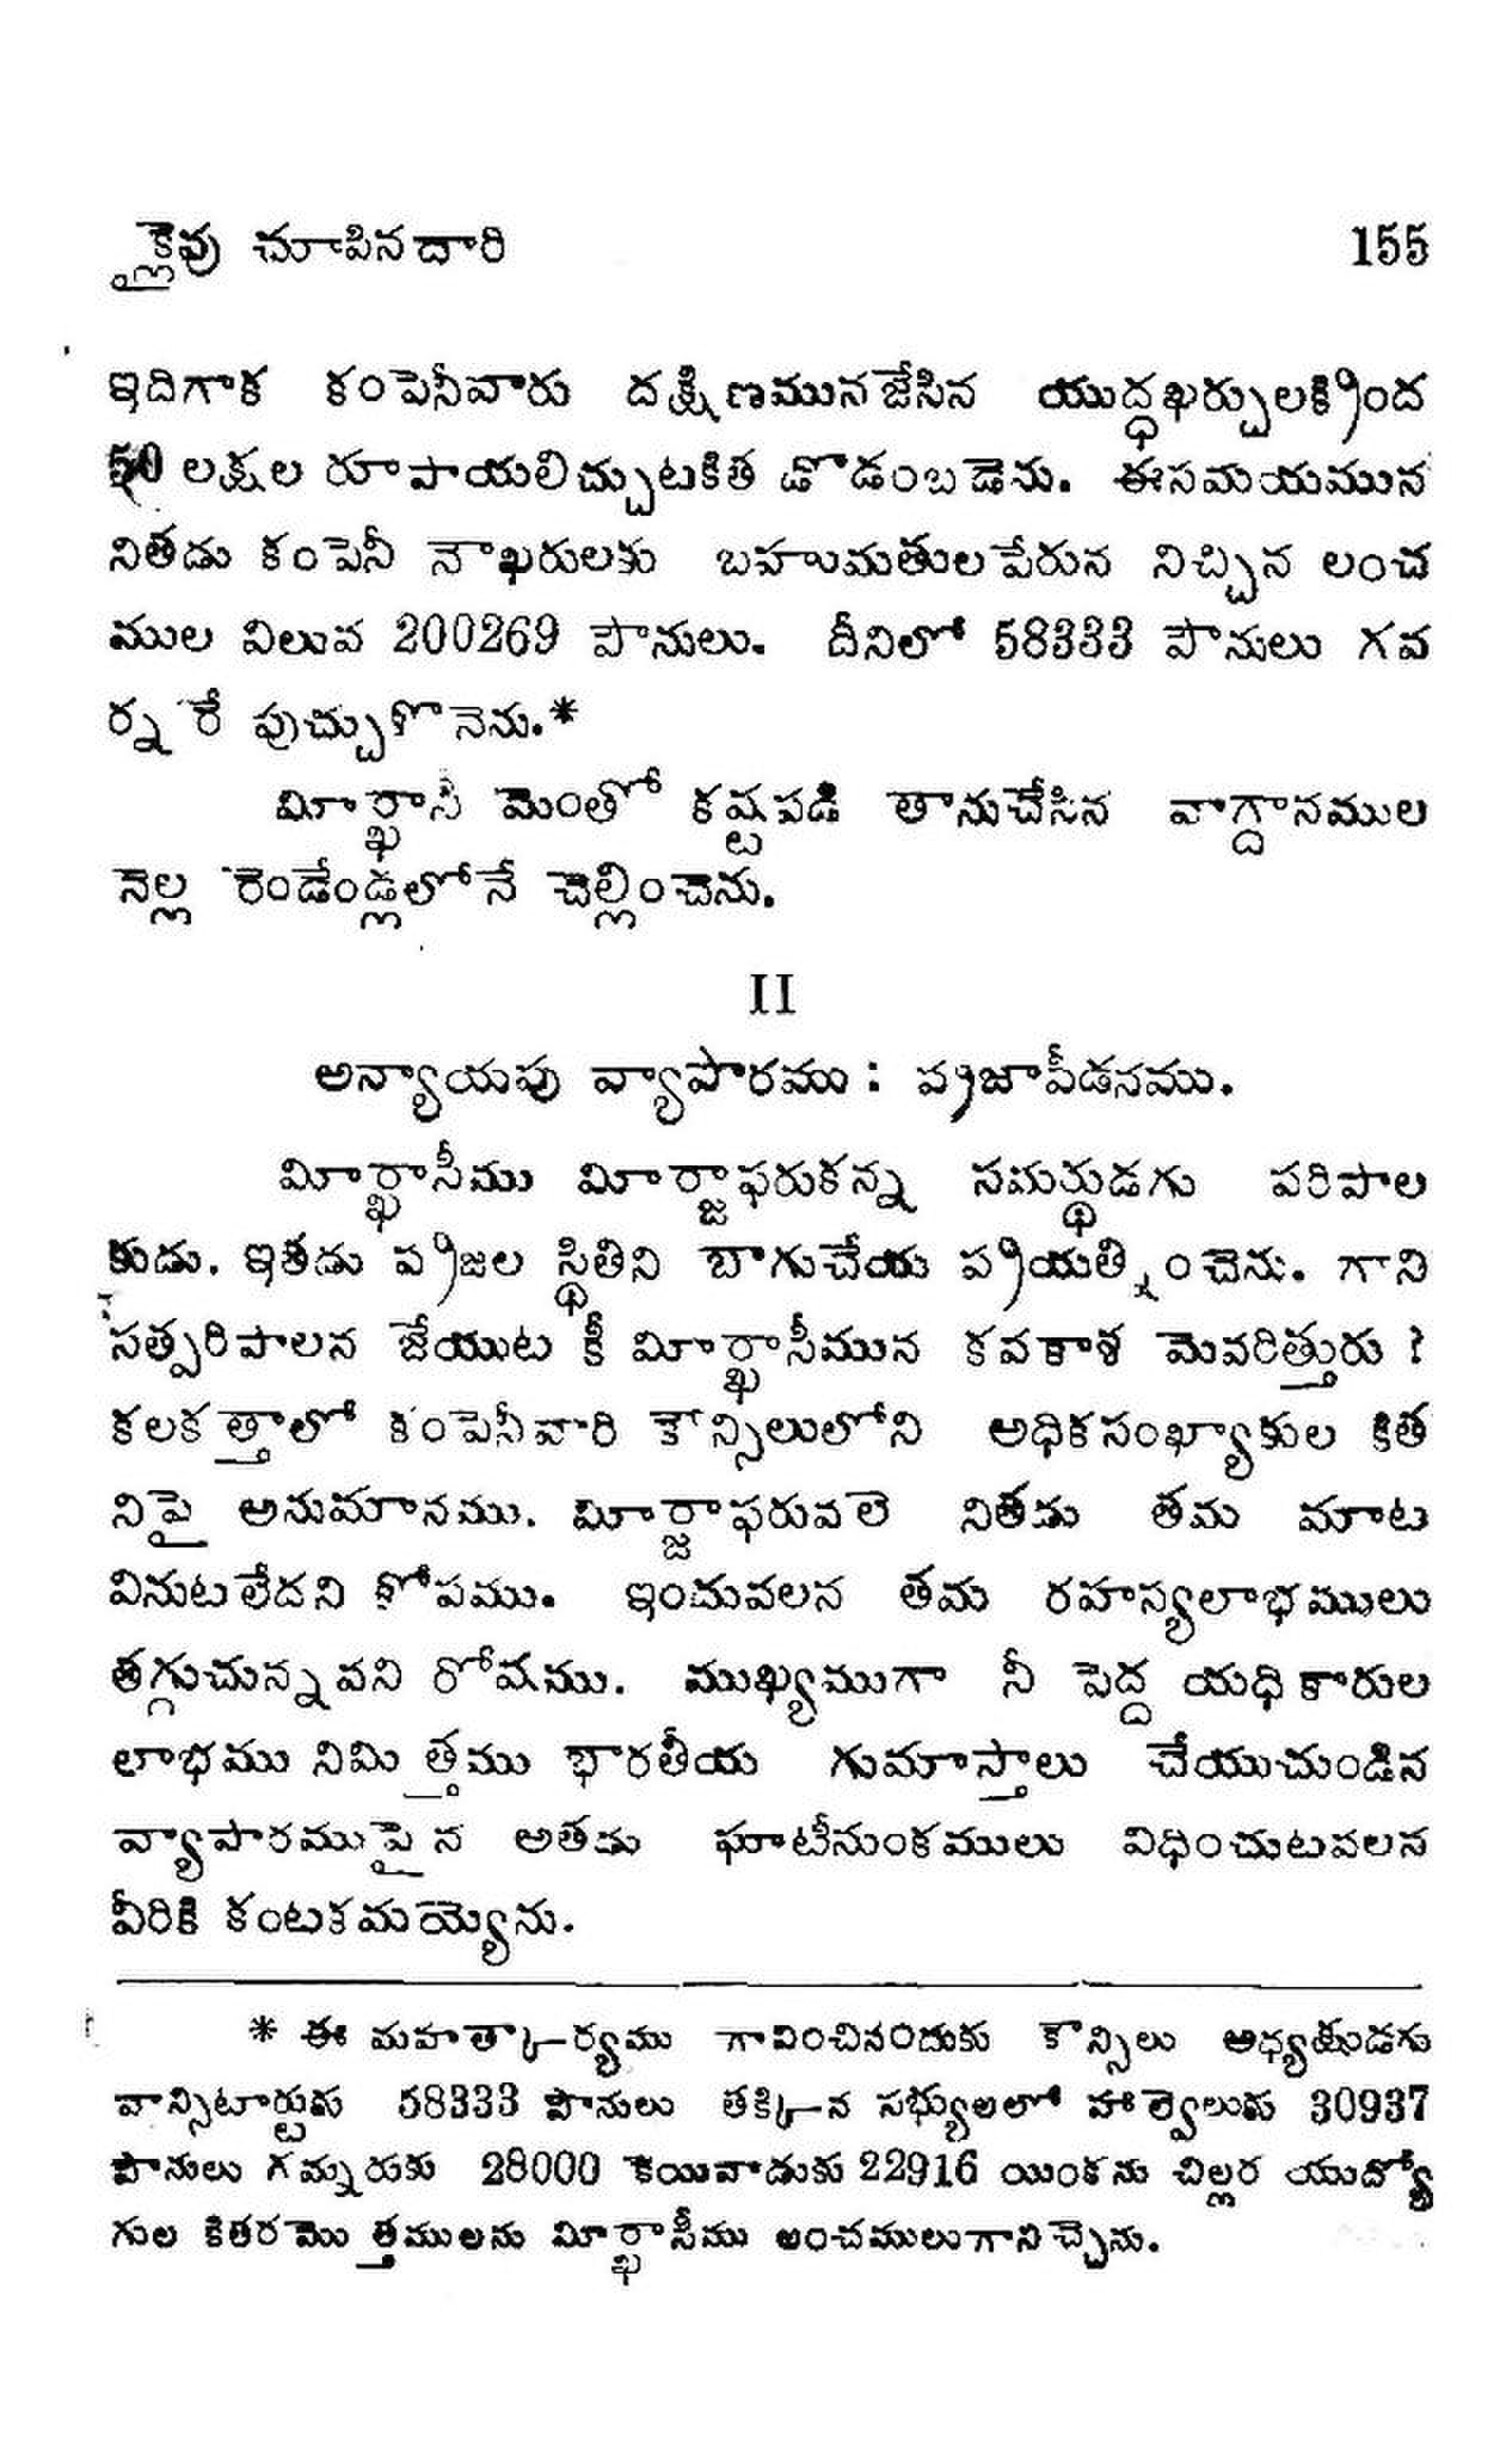ఇదిగాక కంపెనీవారు దక్షిణమునజేసిన యుద్ధఖర్చులక్రింద 50 లక్షల రూపాయలిచ్చుటకిత డొడంబడెను. ఈసమయమున నితడు కంపెనీ నౌఖరులకు బహుమతులపేరున నిచ్చిన లంచముల విలువ 200269 పౌనులు. దీనిలో 58333 పౌనులు గవర్నరే పుచ్చుకొనెను.

మీర్ఖాసీ మెంతో కష్టపడి తానుచేసిన వాగ్దానముల నెల్ల రెండేండ్లలోనే చెల్లించెను.

II 
అన్యాయపు వ్యాపారము : ప్రజాపీడనము.

మీర్ఖాసీము మీర్జాఫరుకన్న సమర్థుడగు పరిపాలకుడు. ఇతడు ప్రజల స్థితిని బాగుచేయ ప్రయత్నించెను. గాని సత్పరిపాలన జేయుట కీ మీర్ఖాసీమున కవకాశ మెవరిత్తురు? కలకత్తాలో కంపెనీవారి కౌన్సిలులోని అధికసంఖ్యాకుల కితనిపై అనుమానము. మీర్జాఫరువలె నితడు తమ మాట వినుటలేదని కోపము. ఇందువలన తమ రహస్యలాభములు తగ్గుచున్నవని రోషము. ముఖ్యముగా నీ పెద్ద యధికారుల లాభము నిమిత్తము భారతీయ గుమాస్తాలు చేయుచుండిన వ్యాపారముపైన అతడు ఘాటీనుంకములు విధించుటవలన వీరికి కంటకమయ్యెను.